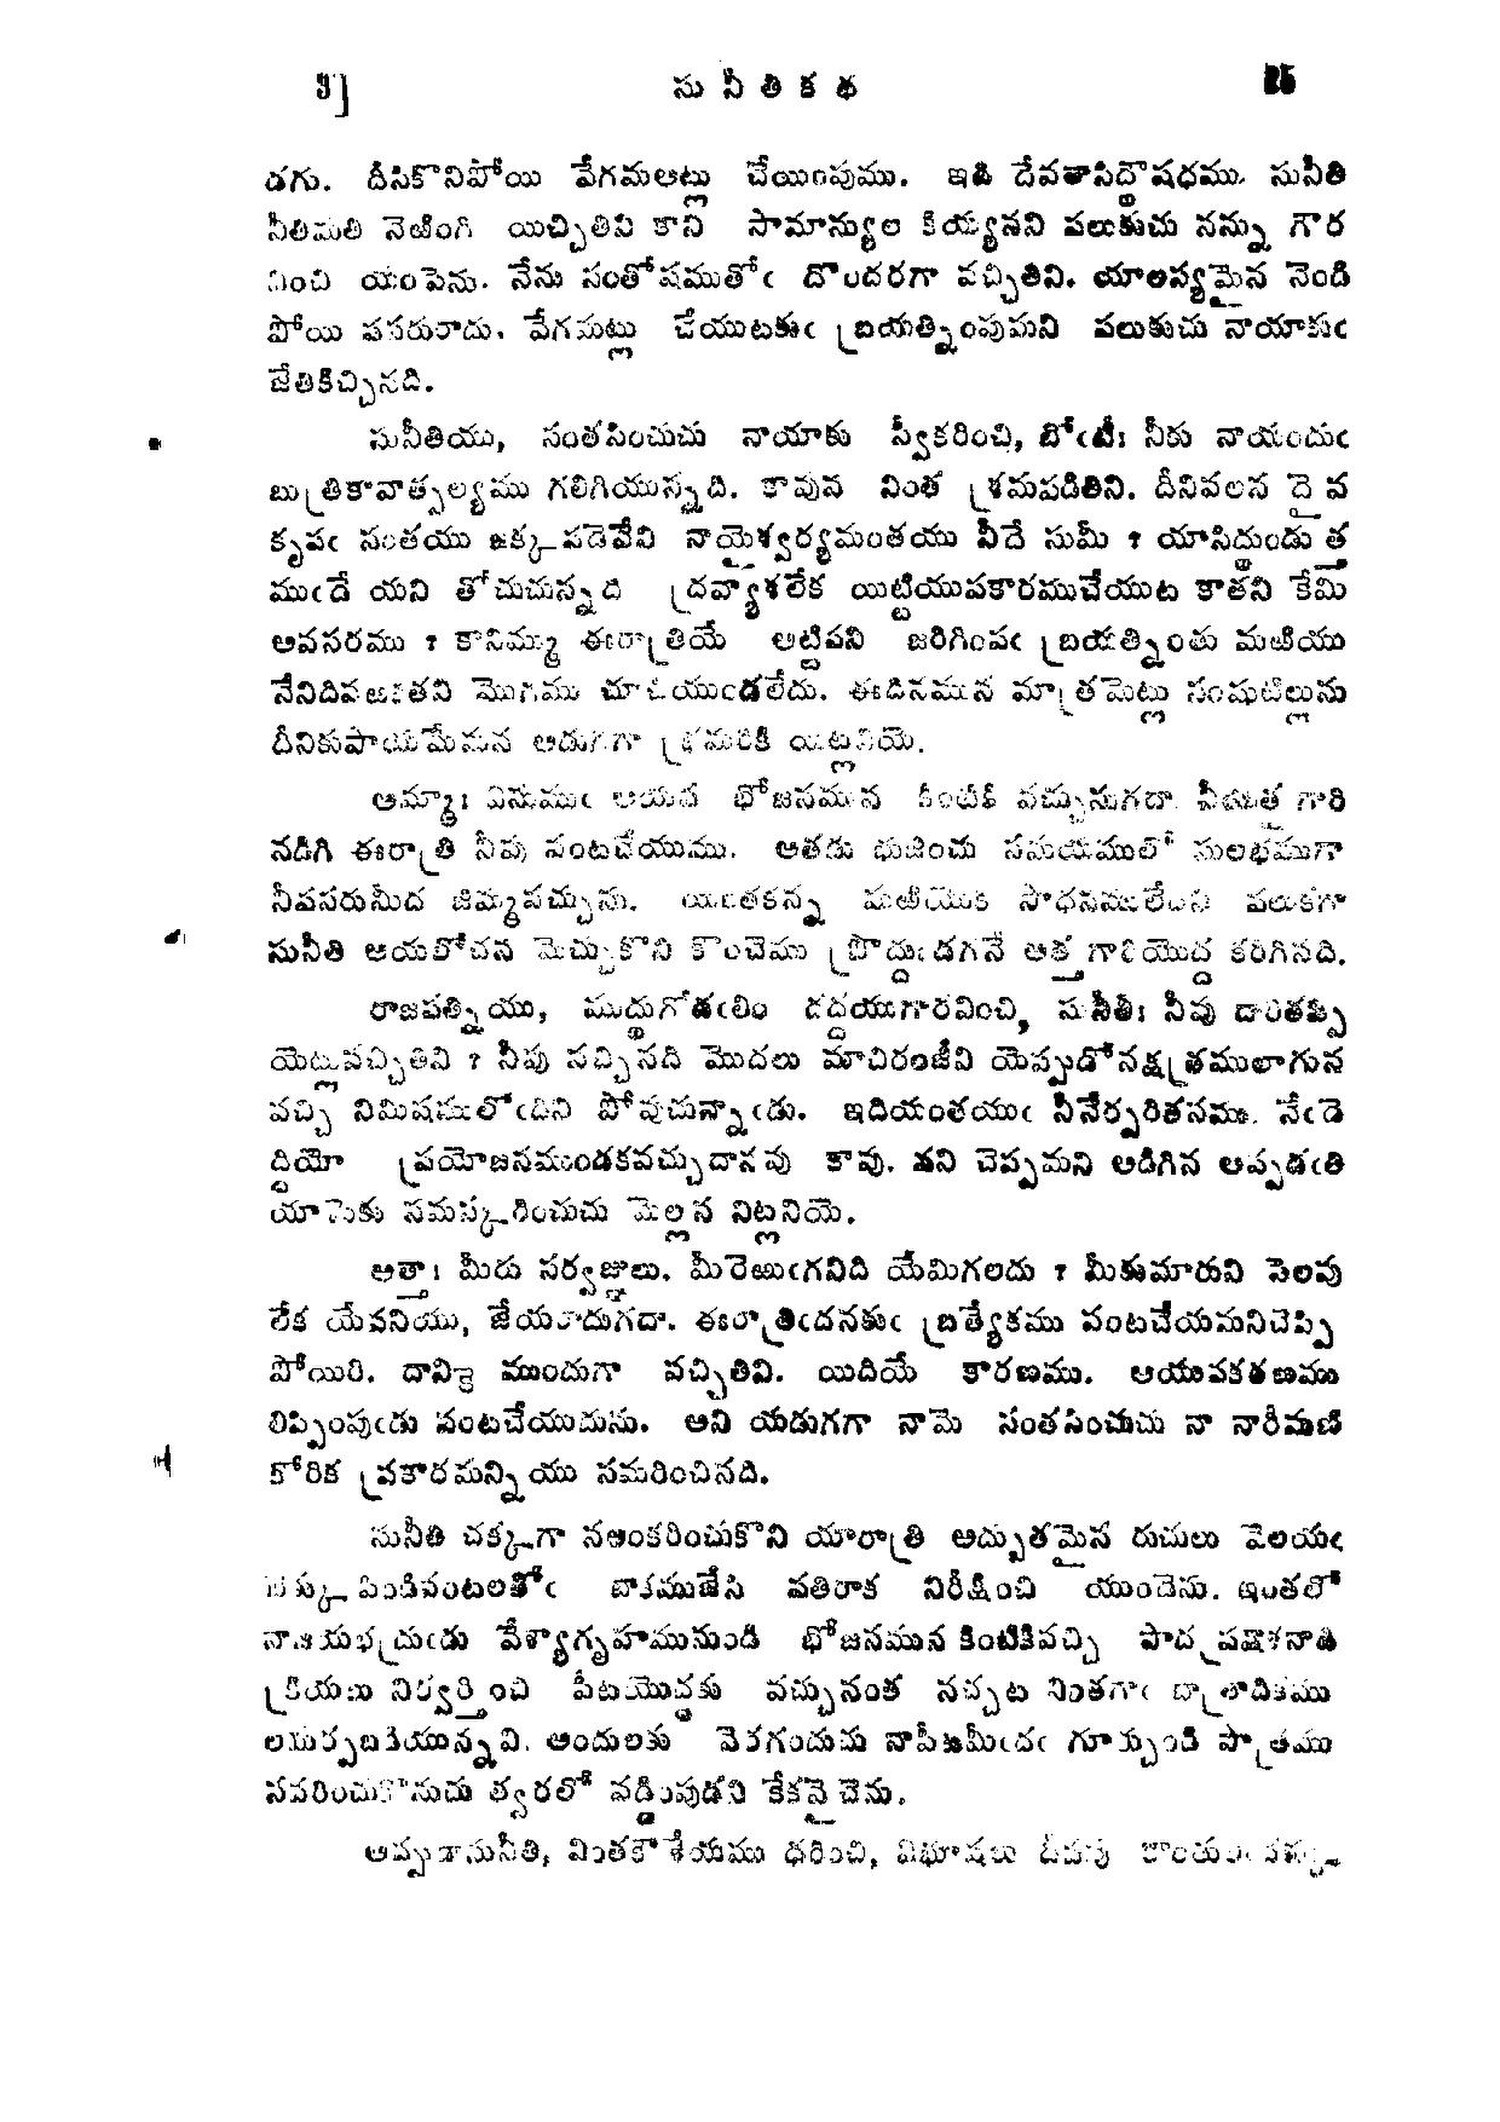డగు. దీసికొనిపోయి వేగమ అట్లు చేయి౦పుము. ఇది దేవతాసిద్ధౌషధము. సునీతి నీతిమతి నెఱింగి యిచ్చితివి కాని సామాన్యుల కియ్యనని పలుకుచు నన్ను గౌరవించి యంపెను. నేను సంతోషముతోఁ దొందరగా వచ్చితిని. యాలస్యమైన నెండిపోయి పసరురాదు. వేగమట్లు చేయుటకుఁ బ్రయత్నింపుమని పలుకుచు నాయాకుఁ జేతికిచ్చినది.

సునీతియు, సంతసించుచు నాయాకు స్వీకరించి, బోఁటీ! నీకు నాయందుఁ బుత్రికావాత్సల్యము గలిగియున్నది. కావున నింత శ్రమపడితిని. దీనివలన దైవకృపఁ నంతయు జక్కపడెవేని నాయైశ్వర్యమంతయు నీదే సుమీ? యాసిద్ధుం డుత్తముఁడే యని తోచుచున్నది. ద్రవ్యాశలేక యిట్టియుపకారముచేయుట కాతని కేమి అవసరము? కానిమ్ము ఈరాత్రియే అట్టిపని జరిగింపఁ బ్రయత్నింతు మఱియు నేనిదివఱకతని మొగము చూచియుండలేదు. ఈదినమున మాత్రమెట్లు సంఘటిల్లును దీనికుపాయ మేమన అడుగగా భ్రమరికి యిట్లనియె.

అమ్మా! వినుముఁ ఆయన భోజనమున కింటికి వచ్చునుగదా నీయత్తగారి నడిగి ఈరాత్రి నీవు వంటచేయుము. అతను భుజించుసమయుములో సులభముగా నీపసరుమీద జిమ్మవచ్చును. యింతకన్న మఱియొక సాధనములేదని పలుకగా సునీతి ఆయాలోచన మెచ్చుకొని కొంచెము ప్రొద్దుండగనే అత్తగారియొద్ద కరగినది.

రాజపత్నియు, ముద్దుగోడఁలిం దద్దయుగారవించి, సునీతీ! నీవు దారితప్పి యెట్లువచ్చితివి? నీవు వచ్చినది మొదలు మాచిరంజీవి యెప్పుడో నక్షత్రములాగున వచ్చి నిమిషములోఁదిని పోవుచున్నాఁడు. ఇదియంతయుఁ నీనేర్పరితనము. నేఁ డెద్దియో ప్రయోజన ముండక వచ్చుదానవు కావు. పని చెప్పమని అడిగిన అప్పడఁతి యామెకు నమస్కరించుచు మెల్లన నిట్లనియె.

అత్తా! మీరు సర్వజ్ఞులు, మీరెఱుఁగనిది యేమిగలదు? మీకుమారువి సెలవు లేక యేపనియు, జేయరాదుగదా. ఈరాత్రిఁ దనకుఁ బ్రత్యేకము వంటచేయమని చెప్పి పోయిరి. దానికె ముందుగా వచ్చితిని. యిదియే కారణము. ఆయుపకరణము లిప్పింపుఁడు వంటచేయుదును. అని యడుగగా నామె సంతసించుచు నా నారీమణి కోరిక ప్రకారమన్నియు సమరించినది.

సునీతి చక్కగా నలంకరించుకొని యరాత్రి అద్భుతమైన రుచులు వెలయఁ బెక్కు పిండివంటలతోఁ బాకముజేసి పతిరాక నిరీక్షించి యుండెను. ఇంతలో నాజయభద్రుఁడు వేశ్యాగృహమునుండి భోజనమున కింటికివచ్చి పాదప్రక్షాళనాదిక్రియలు నిర్వర్తించి పీటయొద్దకు వచ్చునంత నచ్చట వింతగాఁ బాత్రాదికము లమర్పబడియున్నవి. అందులకు వెరగందుచు నాపీటమీఁదఁ గూర్చుండి పాత్రము సవరించుకొనుచు త్వరలో వడ్డింపుడని కేకవైచెను.

అప్పుడా సునీతి, వింతకౌశేయము ధరించి, విభూషలు దీపపుకాంతులఁ దళ్కు